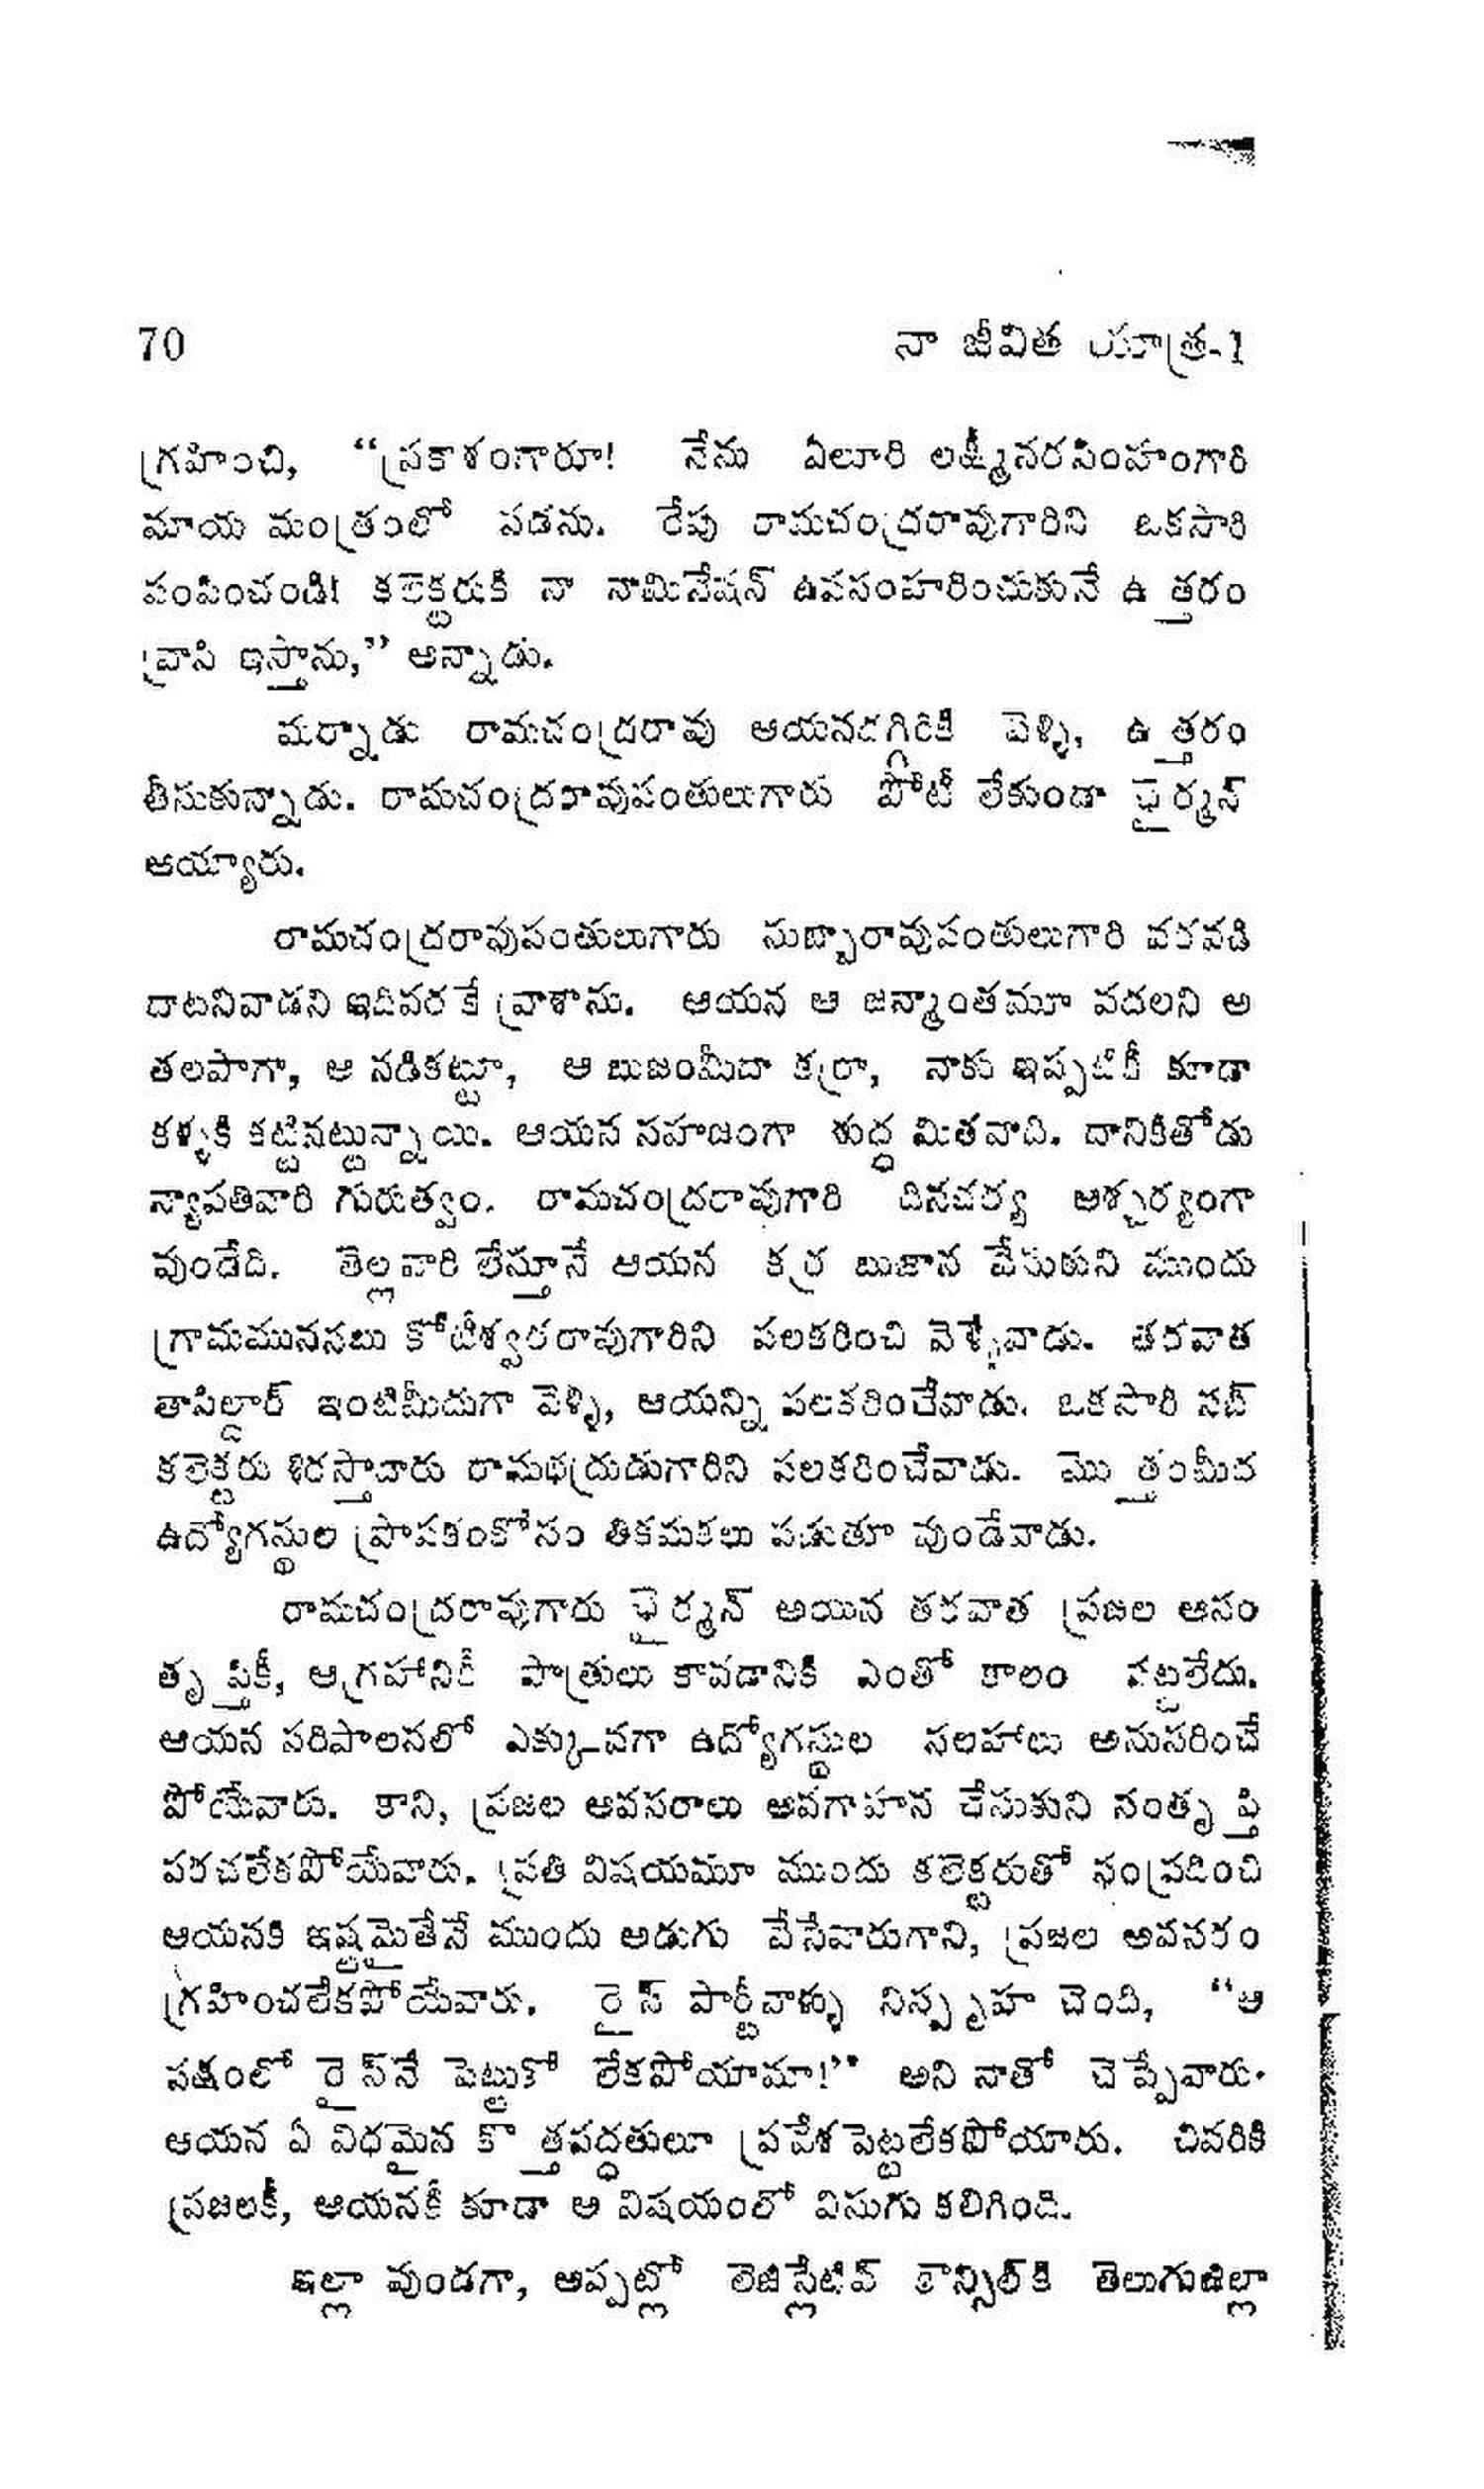గ్రహించి, “ప్రకాశంగారూ! నేను ఏలూరి లక్ష్మీనరసింహంగారి మాయ మంత్రంలో పడను. రేపు రామచంద్రరావుగారిని ఒకసారి పంపించండి! కలెక్టరుకి నా నామినేషన్ ఉపసంహరించుకునే ఉత్తరం వ్రాసి ఇస్తాను," అన్నాడు.

మర్నాడు రామచంద్రరావు ఆయనదగ్గిరికి వెళ్ళి, ఉత్తరం తీసుకున్నాడు. రామచంద్రరావుపంతులుగారు పోటీ లేకుండా చైర్మన్ అయ్యారు.

రామచంద్రరావు పంతులుగారు సుబ్బారావుపంతులుగారి వరవడి దాటనివాడని ఇదివరకే వ్రాశాను. ఆయన ఆ జన్మాంతమూ వదలని అ తలపాగా, ఆ నడికట్టూ, ఆ బుజంమీదా కర్రా, నాకు ఇప్పటికీ కూడా కళ్ళకి కట్టినట్టున్నాయి. ఆయన సహజంగా శుద్ధ మితవాది. దానికితోడు న్యాపతివారి గురుత్వం. రామచంద్రరావుగారి దినచర్య ఆశ్చర్యంగా వుండేది. తెల్లవారి లేస్తూనే ఆయన కర్ర బుజాన వేసుకుని ముందు గ్రామమునసబు కోటీశ్వరరావుగారిని పలకరించి వెళ్ళేవాడు. తరవాత తాసిల్దార్ ఇంటిమీదుగా వెళ్ళి, ఆయన్ని పలకరించేవాడు. ఒకసారీ సబ్ కలెక్టరు శిరస్తాదారు రామభద్రుడుగారిని పలకరించేవాడు. మొత్తంమీద ఉద్యోగస్థుల ప్రాపకంకోసం తికమకలు పడుతూ వుండేవాడు.

రామచంద్రరావుగారు ఛైర్మన్ అయిన తరవాత ప్రజల అసంతృప్తికీ, ఆగ్రహానికీ పాత్రులు కావడానికి ఎంతో కాలం పట్టలేదు. ఆయన పరిపాలనలో ఎక్కువగా ఉద్యోగస్థుల సలహాలు అనుసరించే పోయేవారు. కాని, ప్రజల అవసరాలు అవగాహన చేసుకుని సంతృప్తి పరచలేకపోయేవారు. ప్రతి విషయమూ ముందు కలెక్టరుతో సంప్రదించి ఆయనకి ఇష్టమైతేనే ముందు అడుగు వేసేవారుగాని, ప్రజల అవసరం గ్రహించలేక పోయేవారు. రైస్ పార్టీవాళ్ళు నిస్పృహ చెంది, 'ఆ పక్షంలో రైన్ నే పెట్టుకో లేకపోయామా" అని నాతో చెప్పేవారు. ఆయన ఏ విధమైన కొత్తపద్ధతులూ ప్రవేశపెట్టలేకపోయారు. చివరికి ప్రజలకీ, ఆయనకీ కూడా ఆవిషయంలో విసుగు కలిగింది.
ఇల్లా వుండగా, ఆప్పట్లో లెజిస్లేటివ్ కౌన్సిల్ కి తెలుగుజిల్లా